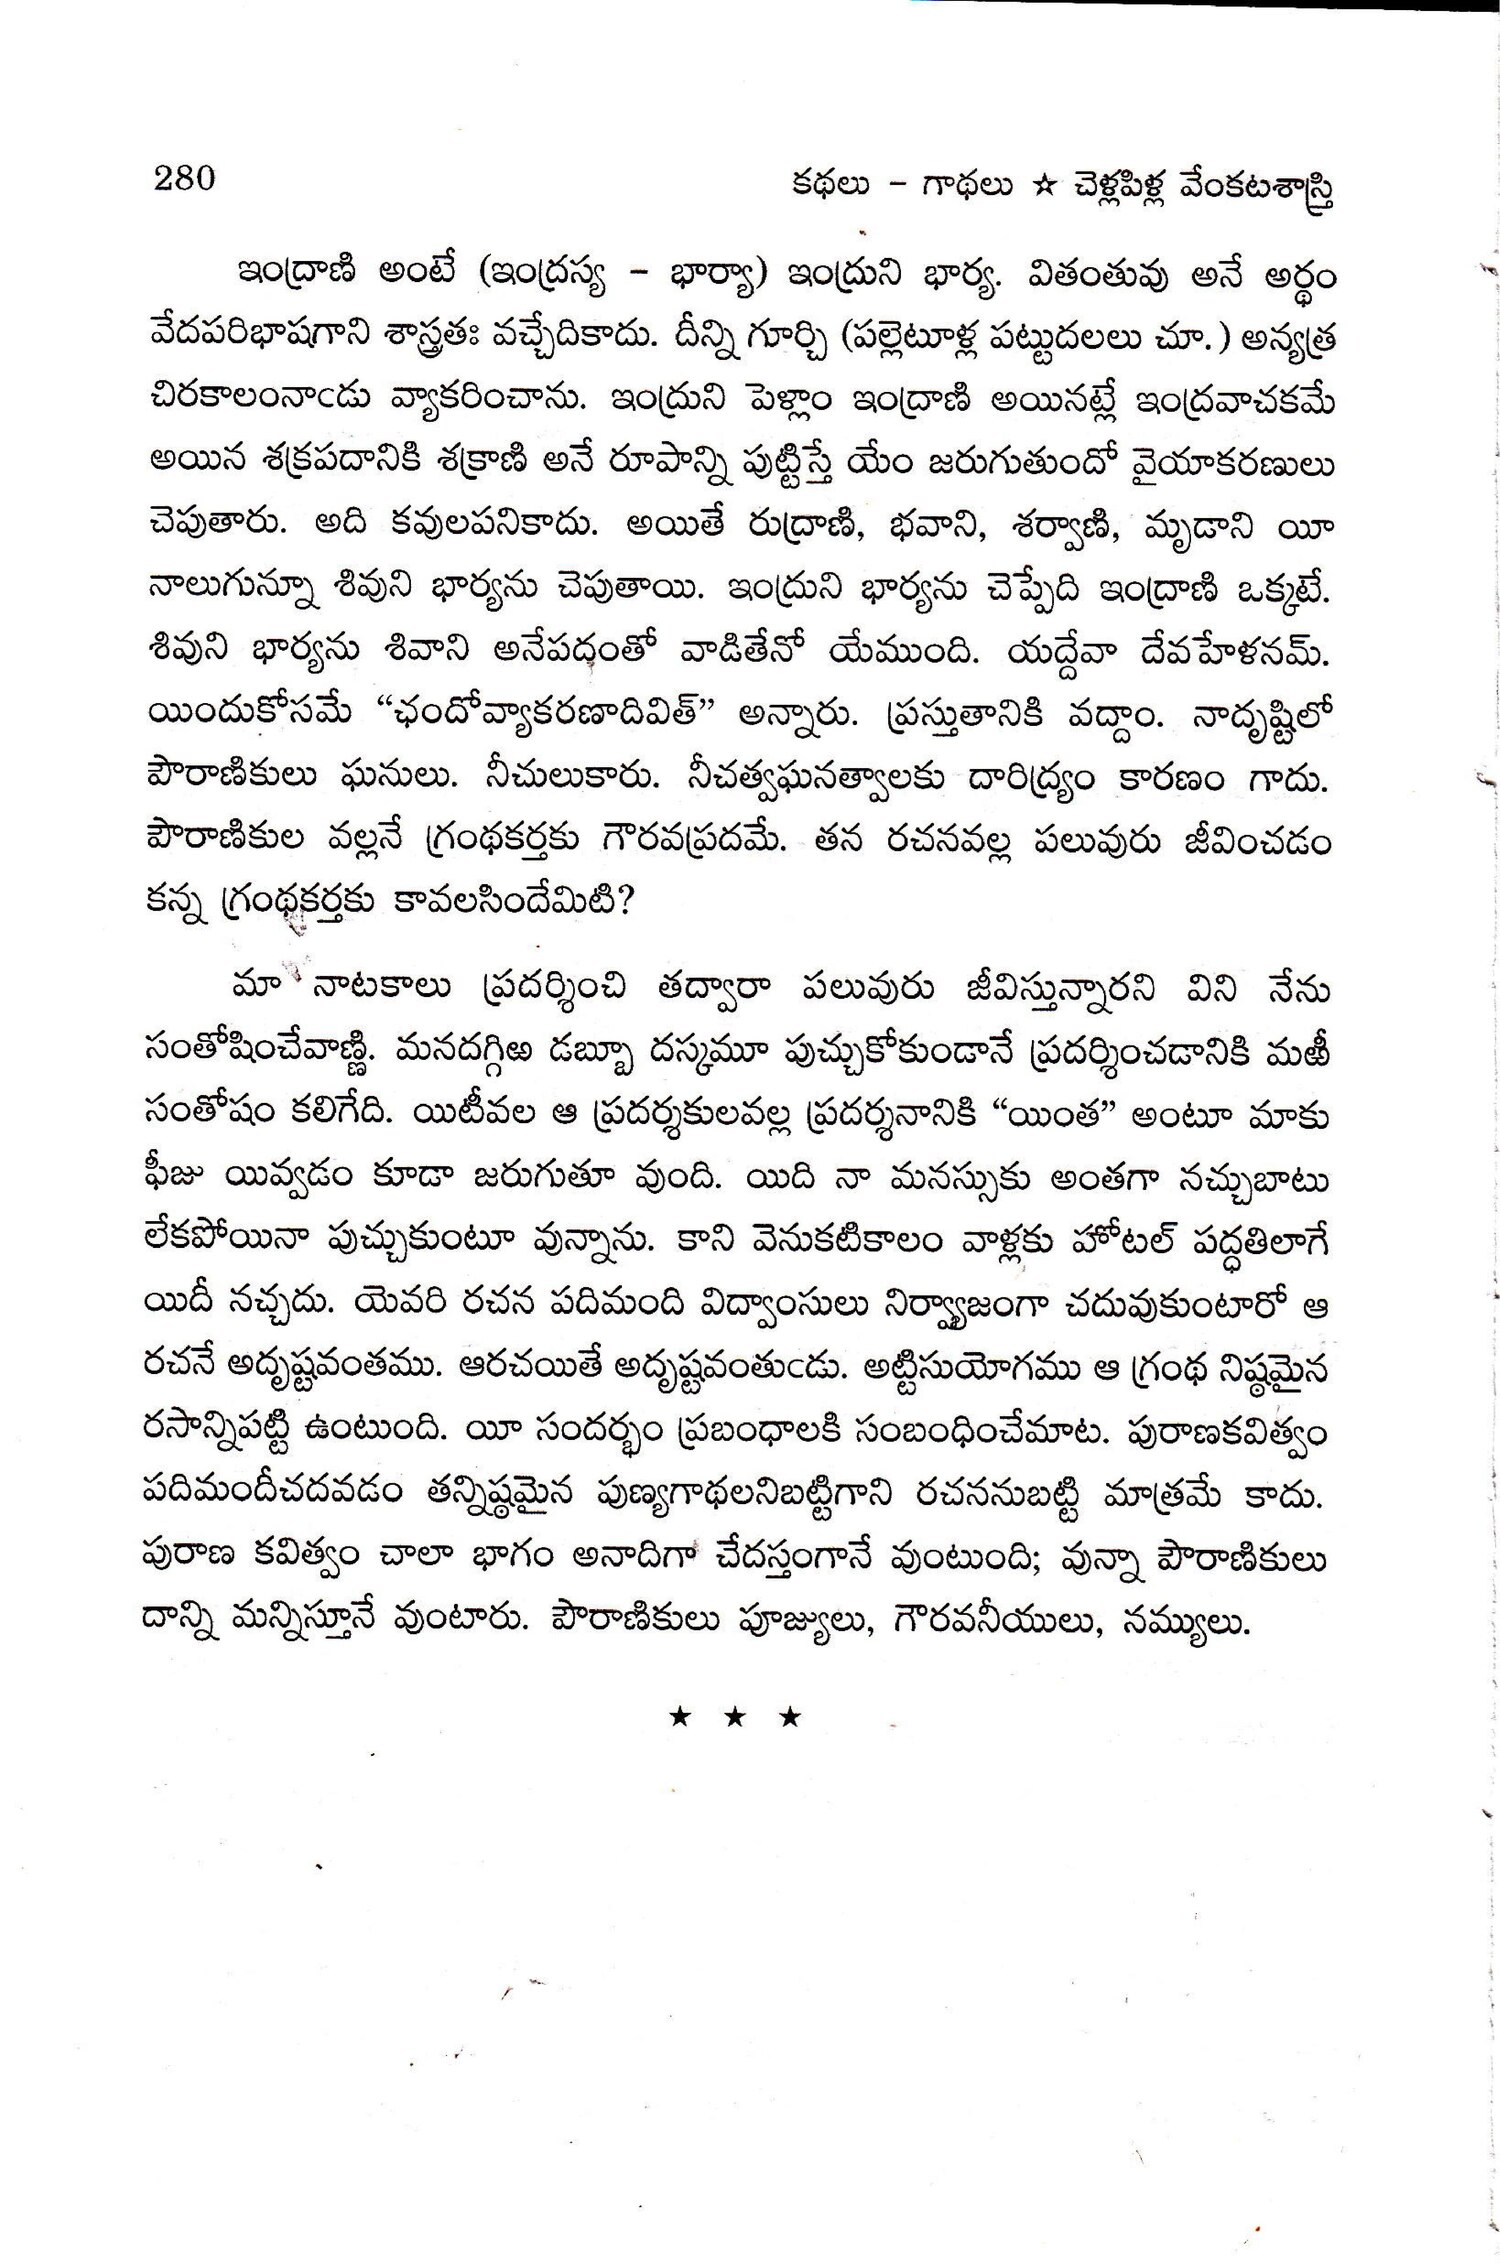ఇంద్రాణి అంటే (ఇంద్రస్య - భార్యా) ఇంద్రుని భార్య. వితంతువు అనే అర్థం వేదపరిభాషగాని శాస్త్రతః వచ్చేదికాదు. దీన్ని గూర్చి (పల్లెటూళ్ల పట్టుదలలు చూ.) అన్యత్ర చిరకాలంనాఁడు వ్యాకరించాను. ఇంద్రుని పెళ్లాం ఇంద్రాణి అయినట్లే ఇంద్రవాచకమే అయిన శక్రపదానికి శక్రాణి అనే రూపాన్ని పుట్టిస్తే యేం జరుగుతుందో వైయాకరణులు చెపుతారు. అది కవులపనికాదు. అయితే రుద్రాణి, భవాని, శర్వాణి, మృడాని యీ నాలుగున్నూ శివుని భార్యను చెపుతాయి. ఇంద్రుని భార్యను చెప్పేది ఇంద్రాణి ఒక్కటే. శివుని భార్యను శివాని అనేపదంతో వాడితేనో యేముంది. యద్దేవా దేవహేళనమ్. యిందుకోసమే “ఛందోవ్యాకరణాదివిత్" అన్నారు. ప్రస్తుతానికి వద్దాం. నాదృష్టిలో పౌరాణికులు ఘనులు. నీచులుకారు. నీచత్వఘనత్వాలకు దారిద్ర్యం కారణం గాదు. పౌరాణికుల వల్లనే గ్రంథకర్తకు గౌరవప్రదమే. తన రచనవల్ల పలువురు జీవించడం కన్న గ్రంథకర్తకు కావలసిందేమిటి?

మా నాటకాలు ప్రదర్శించి తద్వారా పలువురు జీవిస్తున్నారని విని నేను సంతోషించేవాణ్ణి. మనదగ్గిఱ డబ్బూ దస్కమూ పుచ్చుకోకుండానే ప్రదర్శించడానికి మఱీ సంతోషం కలిగేది. యిటీవల ఆ ప్రదర్శకులవల్ల ప్రదర్శనానికి “యింత" అంటూ మాకు ఫీజు యివ్వడం కూడా జరుగుతూ వుంది. యిది నా మనస్సుకు అంతగా నచ్చుబాటు లేకపోయినా పుచ్చుకుంటూ వున్నాను. కాని వెనుకటికాలం వాళ్లకు హోటల్ పద్ధతిలాగే యిదీ నచ్చదు. యెవరి రచన పదిమంది విద్వాంసులు నిర్వ్యాజంగా చదువుకుంటారో ఆ రచనే అదృష్టవంతము. ఆరచయితే అదృష్టవంతుఁడు. అట్టిసుయోగము ఆ గ్రంథ నిష్ఠమైన రసాన్నిపట్టి ఉంటుంది. యీ సందర్భం ప్రబంధాలకి సంబంధించేమాట. పురాణకవిత్వం పదిమందీచదవడం తన్నిష్ఠమైన పుణ్యగాథలనిబట్టిగాని రచననుబట్టి మాత్రమే కాదు. పురాణ కవిత్వం చాలా భాగం అనాదిగా చేదస్తంగానే వుంటుంది; వున్నా పౌరాణికులు దాన్ని మన్నిస్తూనే వుంటారు. పౌరాణికులు పూజ్యులు, గౌరవనీయులు, నమ్యులు.